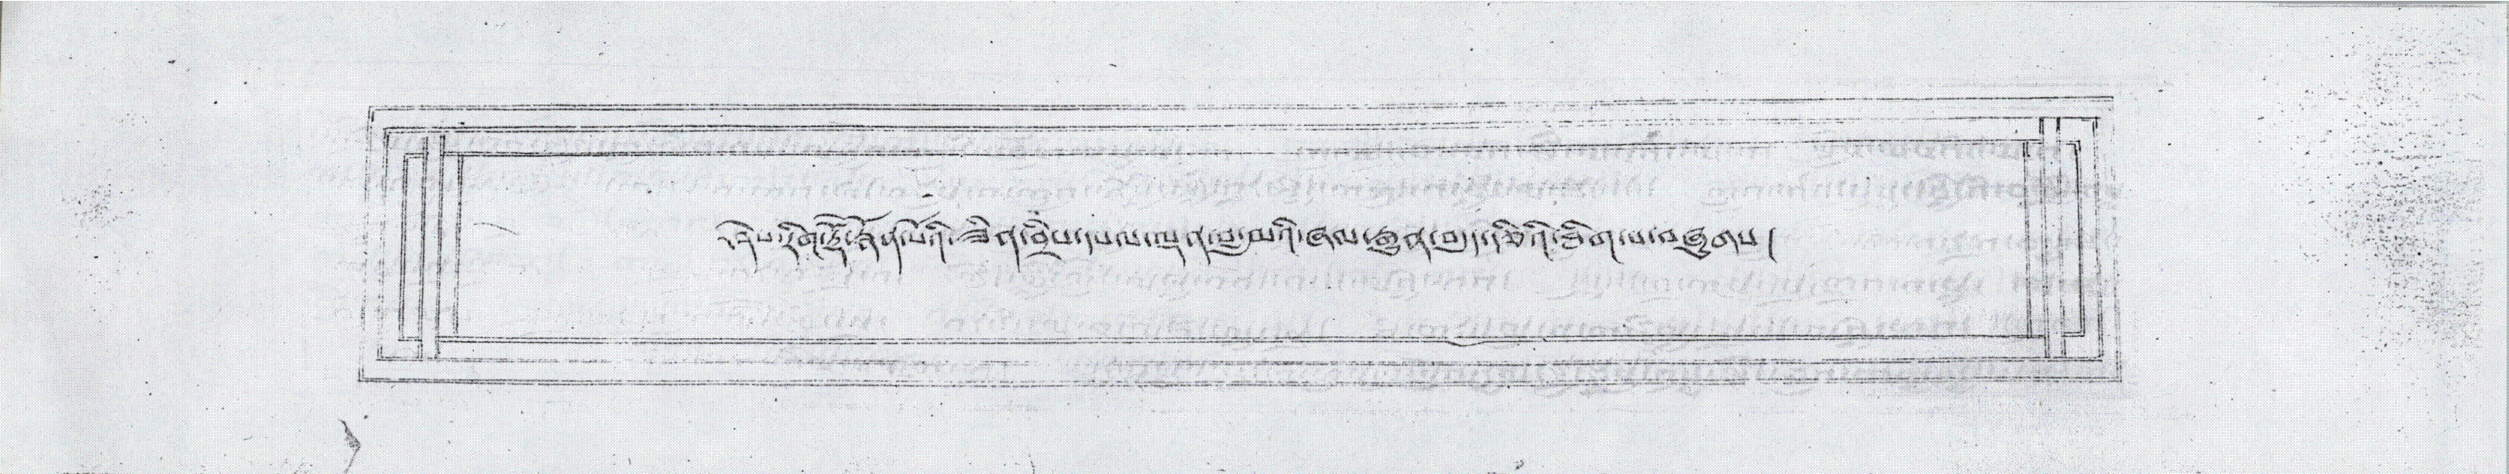ཤེས་རིག་རྡོ་རྗེ་རྣོན་པོའི་ཟིན་བྲིས་དཔལ་ལྡན་བླ་མའི་ཞལ་རྒྱུན་བདུད་རྩིའི་ཐིགས་པ་བཞུགས།།